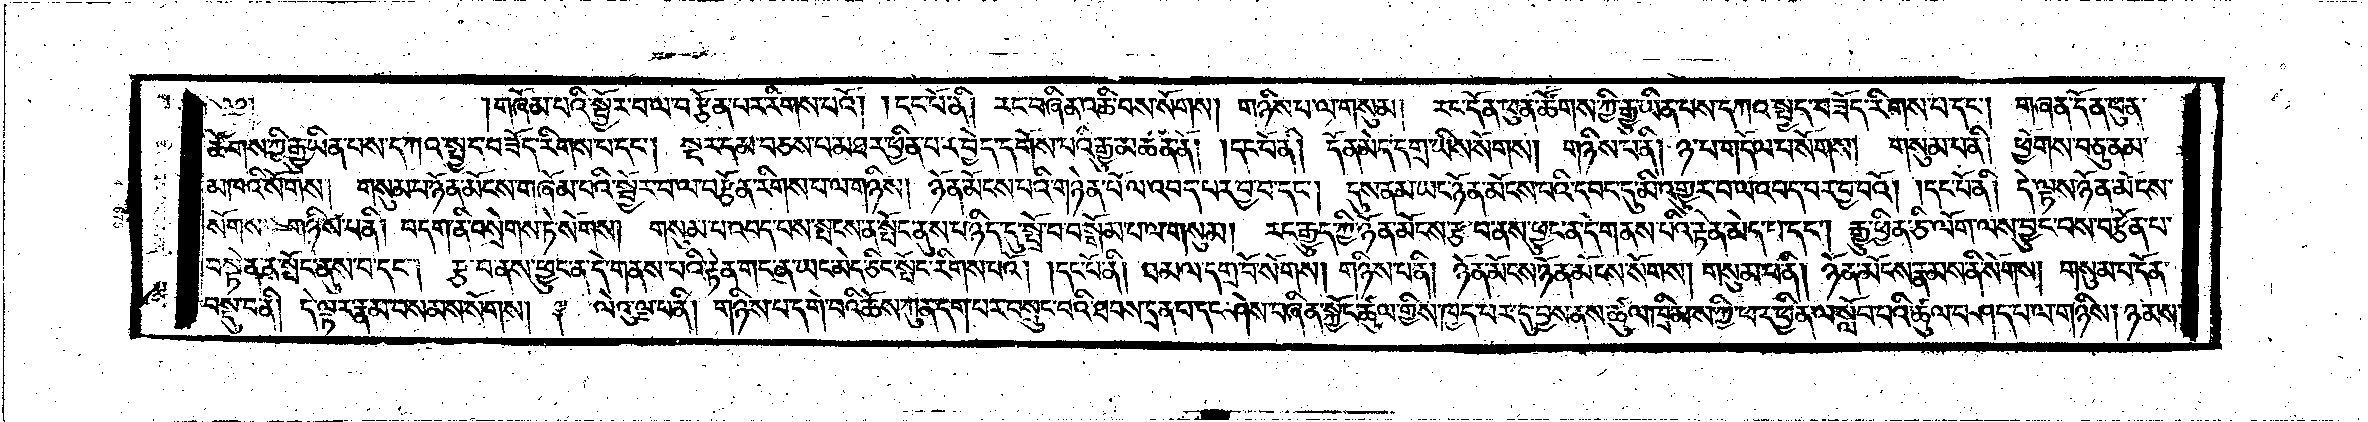༄༅། །གཞོམ་པའི་སྦྱོར་བ་ལ་བརྩོན་པར་རིགས་པའོ། །དང་པོ་ནི། རང་བཞིན་འཆི་བས་སོགས། གཉིས་པ་ལ་གསུམ། རང་དོན་ཕུན་ཚོགས་ཀྱི་རྒྱུ་ཡིན་པས་དཀའ་སྤྱད་བཟོད་རིགས་པ་དང་། གཞན་དོན་ཕུན་
ཚོགས་ཀྱི་རྒྱུ་ཡིན་པས་དཀའ་སྤྱད་བཟོད་རིགས་པ་དང་། སྔར་དམ་བཅས་པ་མཐར་ཕྱིན་པར་བྱེད་དགོས་པའི་རྒྱུ་མཚན་ནོ། །དང་པོ་ནི། དོན་མེད་དགྲ་ཡིས་སོགས། གཉིས་པ་ནི། ཉ་པ་གདོལ་བ་སོགས། གསུམ་པ་ནི། ཕྱོགས་བཅུ་ནམ་
མཁའི་སོགས། གསུམ་པ་ཉོན་མོངས་གཞོམ་པའི་སྦྱོར་བ་ལ་བརྩོན་རིགས་པ་ལ་གཉིས། ཉོན་མོངས་པའི་གཉེན་པོ་ལ་འབད་པར་བྱ་བ་དང་། དུས་ནམ་ཡང་ཉོན་མོངས་པའི་དབང་དུ་མི་འགྱུར་བ་ལ་འབད་པར་བྱ་བའོ། །དང་པོ་ནི། དེ་ལྟས་ཉོན་མོངས་
སོགས། གཉིས་པ་ནི། བདག་ནི་བསྲེགས་ཏེ་སོགས། གསུམ་པ་འབད་པས་སྤངས་ན་སྤོང་ནུས་པ་ཉིད་དུ་སྤྲོ་བ་བསྒོམ་པ་ལ་གསུམ། རང་རྒྱུད་ཀྱི་ཉོན་མོངས་རྩ་བ་ནས་ཕྱུང་ན་དེ་གནས་པའི་རྟེན་མེད་པ་དང་། རྒྱུ་ཕྱིན་ཅི་ལོག་ལས་བྱུང་བས་བརྩོན་པ་
བསྟེན་ན་སྤོང་ནུས་པ་དང་། རྩ་བ་ནས་ཕྱུང་ན་དེ་གནས་པའི་རྟེན་གང་ན་ཡང་མེད་ཅིང་སྤོང་རིགས་པའོ། །དང་པོ་ནི། ཐ་མལ་དགྲ་བོ་སོགས། གཉིས་པ་ནི། ཉོན་མོངས་ཉོན་མོངས་སོགས། གསུམ་པ་ནི། ཉོན་མོངས་རྣམས་ནི་སོགས། གསུམ་པ་དོན་
བསྡུ་བ་ནི། དེ་ལྟར་རྣམ་བསམས་སོགས། ༈ ལེའུ་ལྔ་པ་ནི། གཉིས་པ་དགེ་བའི་ཆོས་ཀུན་དག་པར་བསྲུང་བའི་ཐབས་དྲན་པ་དང་ཤེས་བཞིན་སྐྱོང་ཚུལ་གྱིས་ཁྱད་པར་དུ་བྱས་ནས་ཚུལ་ཁྲིམས་ཀྱི་ཕར་ཕྱིན་ལ་སློབ་པའི་ཚུལ་བཤད་པ་ལ་གཉིས། ཉམས་